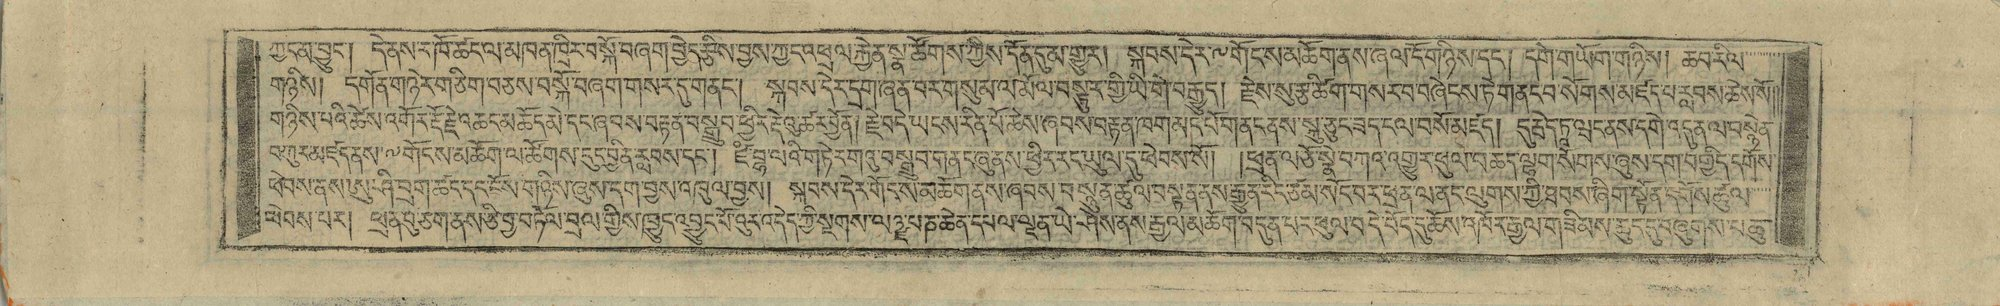ཀྱང་མ་བྱུང་། དེ་ནས་ར་ཁོ་ཚང་ལ་མཁན་ཁྲིར་བསྐོ་བཞག་བྱེད་རྩིས་བྱས་ཀྱང་འཕྲལ་རྐྱེན་སྣ་ཚོགས་ཀྱིས་དོན་དུ་མ་གྱུར། སྐབས་དེར་༧གོང་ས་མཆོག་ནས་ཞལ་ངོ་གཉིས་དང་། དགེ་གཡོག་གཉིས། ཆབ་རིལ་
གཉིས། དགོན་གཉེར་གཅིག་བཅས་བསྐོ་བཞག་གསར་དུ་གནང་། སྐབས་དེར་དྲག་ཞན་བར་གསུམ་ལ་མོལ་བསྟུར་གྱི་ཡི་གེ་བརྒྱུད། རྗེས་སུ་རྩ་ཚིག་གསར་བ་བཞེངས་ཏེ་གནང་བ་སོགས་མཛད་པ་རླབས་ཆེས་སོ། །
གཉིས་པའི་ཚེས་འགོར་རྡོ་རྗེ་འཆང་མཆོད་མེ་དང་ཞབས་བརྟན་བསྒྲུབ་ཕྱིར་རྡེའུ་ཚར་བྱོན། རྗེ་བདེ་ཡངས་རིན་པོ་ཆེས་ཞབས་བརྟན་ཁག་མང་པོ་གནང་ནས་སྐུ་ཅུང་ཟད་ངལ་བསོ་མཛད། དུ་རྦེད་ཏཱ་ཝང་ནས་དགེ་འདུན་ལ་བསྙེན་
བཀུར་མཛད་ནས་༧གོང་ས་མཆོག་ལ་ཚོགས་དུང་བྱིན་རླབས་དང་། ཛཾ་བྷ་ལའི་གཏེར་གའུ་བསྒྲུབ་གནང་ཞུ་ནས་ཕྱིར་རང་ཡུལ་དུ་ཕེབས་སོ། །ཕྲན་ལ་ཅོ་སྣེ་བཀའ་འགྱུར་ཕུལ་བ་ཆད་ལྷག་སོགས་ཞུས་དག་བགྱིད་དགོས་
ཕེབས་ནས་ཨུ་ཤི་བྲག་ཚང་དང་ངོས་གཉིས་ཞུས་དག་བྱས་འཁུལ་བྱས། སྐབས་དེར་གོང་ས་མཆོག་ནས་ཞབས་བསྙུན་ཚུལ་བསྟན་ནས་རྒྱུན་རིང་ཙམ་སོང་བར་ཕྲན་ལ་ནང་ལུགས་ཀྱི་ཐབས་ཞིག་སྟོན་དགོས་ཚུལ་
ཕེབས་པར། ཕྲན་བུ་ཅག་ནས་ཅི་བྱ་བཏོལ་བྲལ་གྱིས་ཁྱུད་འབྱུང་པོ་འུར་འདེད་ཀྱི་སྔགས་ལཉྫ་པཎ་ཆེན་དཔལ་ལྡན་ཡེ་ཤེས་ནས་རྒྱལ་མཆོག་བདུན་པར་ཕུལ་བ་དེ་བོད་དུ་ཆོས་འཁོར་རྒྱལ་གཟིམས་ཆུང་དུ་བཞུགས་པ་ཆུ་